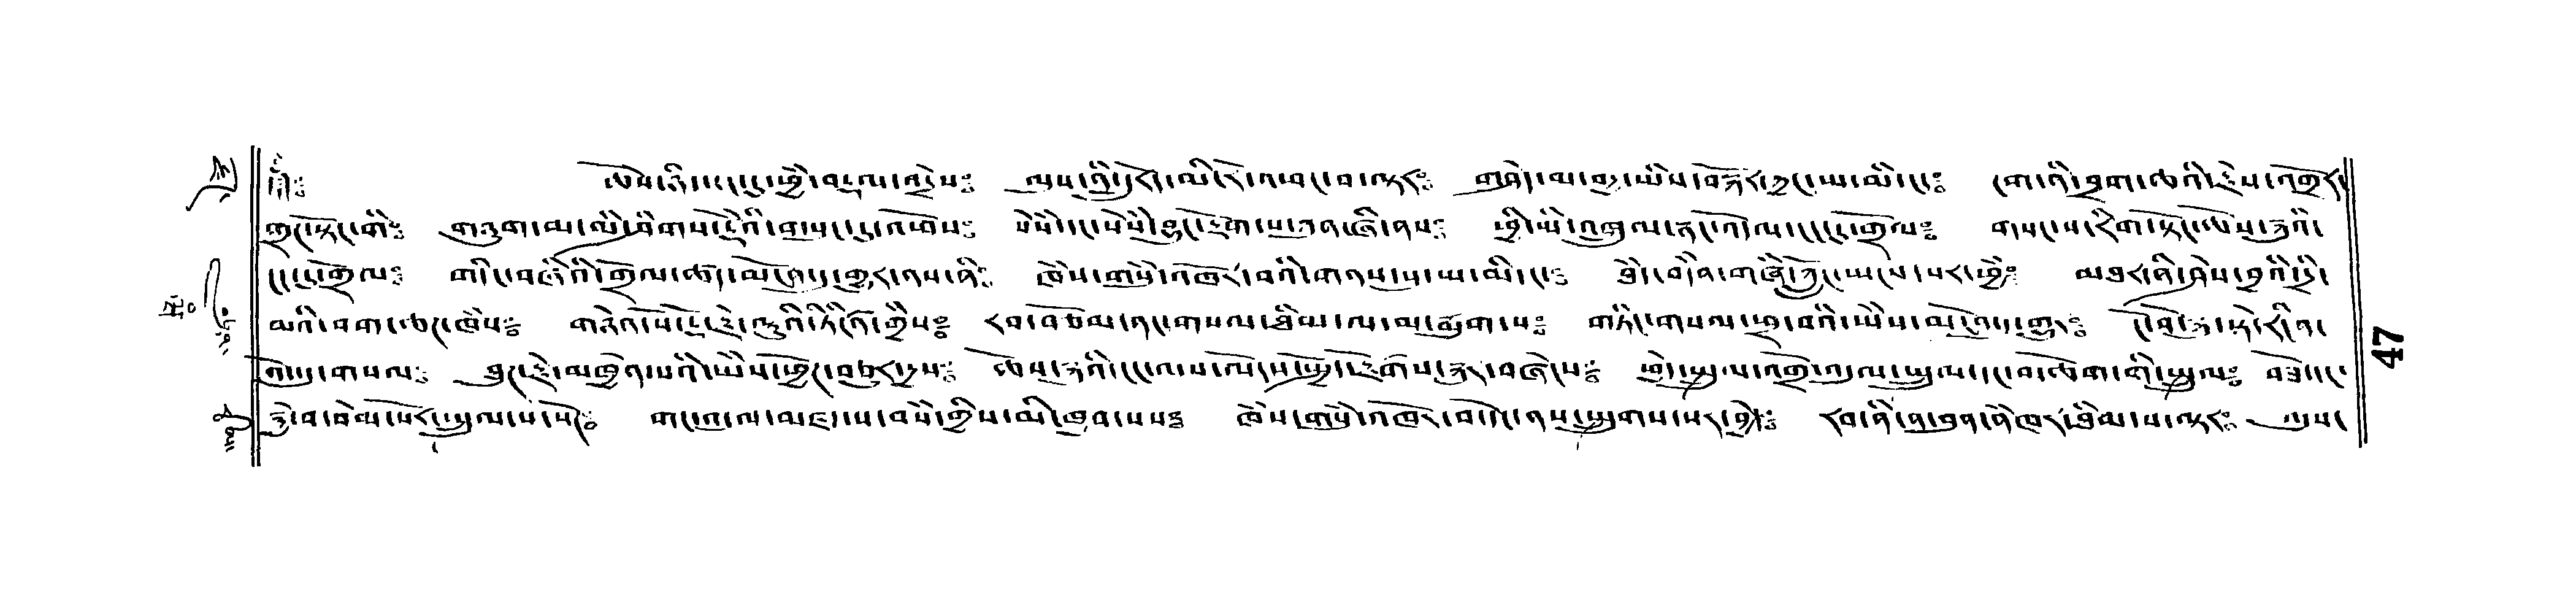ཆོས་ཉིད་ངང་དུ་ཕྱམ་བརྡལ་འདྲེས༔ ལུས་ནི་དུར་ཁྲོད་མི་རོ་འཕང་བ་ལྟར༔ གཤེད་མ་བརྒྱ་ཡིས་བསྐོར་ཀྱང་ཡ་མི་ང༔ ངག་ནི་བྲག་ཆའི་རྗེས་འགྲོར་
གྲགས་སྟོང་གི༔ གཉུག་མ་མི་ཤིགས་རྡོ་རྗེའི་གསུང་དུ་འཕོས༔སེམས་དང་སེམས་བྱུང་རྟོག་པ་ཀུན་ཞི་ནས༔ ཕྱི་ཡི་འཁྲུལ་སྣང་འོད་གསལ་ངང་དུ་གྲོལ༔ གསང་པ་རིག་སྟོང་ཆོས་སྐུའི་
ངང་དུ་གྲོལ༔ གདིང་བཞིའི་གྲོལ་ཚད་མངོན་དུ་གྱུར་ནས་ནི༔ ཁམས་གསུམ་འཁོར་བའི་གནས་སུ་ཡ་མི་ང༔ ཐམས་ཅད་བདེ་ཆེན་གཞི་ཀློང་ཡངས་པར་ཕྱམ༔ མཐར་ནི་ཤེས་བྱའི་དྲི་
མའི་བག་ཆགས་ཁམས༔ གཉེན་པོ་རྡོ་རྗེ་ལྟ་བུའི་ཏིང་འཛིན་གྱིས༔ རབ་བཅོམ་ནང་གསལ་ཐིམ་ལ་མ་རྨུགས་པ༔ གཏིང་གསལ་ཕྲ་བའི་ཡེ་ཤེས་མངོན་དུ་གྱུར༔ ངོ་བོ་སྐུ་སྟེ་རང་བཞིན་
འོད་དུ་གསལ༔ ཐུགས་རྗེ་མཁྱེན་པའི་ཡེ་ཤེས་ཕྱོགས་བཅུར་རྒྱས༔ ཆོས་སྐུའི་ངང་ལས་ལོངས་སྤྱོད་རྫོགས་སྐུར་བཞེངས༔ ཕྱེད་སྤྲུལ་འགྲོ་འདུལ་སྤྲུལ་དང་མཆོག་གིས་སྤྲུལ༔ བཟོ་དང་
སྐྱེ་བ་བེམ་པོར་སྤྲུལ་པ་སོགས༔ གང་འདུལ་མཛད་པ་བསམ་གྱིས་མི་ཁྱབ་པས༔ ཁམས་གསུམ་འཁོར་བ་དོང་ནས་སྤྲུག་པར་བྱེད༔ རབ་ནི་ན་བུན་ནམ་མཁར་ཐིམ་པ་ལྟར༔ ལུས་